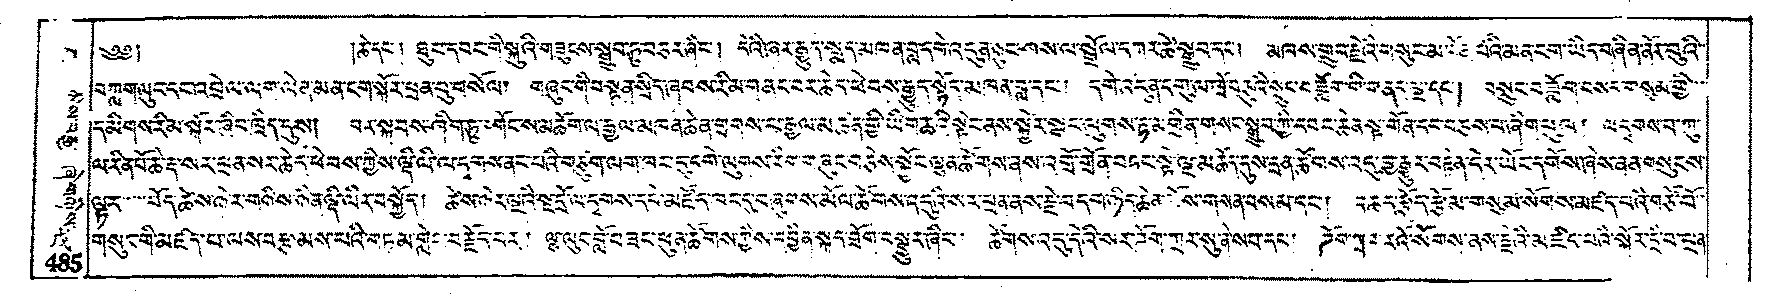༄༅། །ཆེ་དང་། ཐུབ་དབང་གི་སྐུའི་གཟུངས་སྒྲུབ་ཏུ་བཅར་ཞིང་། དེའི་ཞར་རྒྱུད་སྨད་མཁན་བླ་དགེ་འདུན་ཉུང་ཤས་ལ་སྒྲོལ་དཀར་ཚེ་སྒྲུབ་དང་། མཁས་གྲུབ་རྗེའི་གསུང་མགོན་པོའི་མན་ངག་ཡིད་བཞིན་ནོར་བུའི་
བཀླག་ལུང་དང་འབྲེལ་ལག་ལེན་མན་ངག་སྐོར་ཕྲན་བུ་གསོལ། གཞུང་གི་བསྟན་སྲིད་ཞབས་རིམ་གནང་བར་ཆེད་ཕེབས་རྒྱུད་སྟོད་མཁན་བླ་དང་། དགེ་འདུན་དགུ་ལ་ཁྲོ་བཅུའི་སྲུང་བཟློག་གི་གནད་ལྔ་དང་། བསྲུང་བཟློག་བསང་གསུམ་གྱི་
དམིགས་རིམ་སྐོར་ཞིབ་ཁྲིད་དུས། བར་སྐབས་ཤིག་ཏུ་༧གོང་ས་མཆོག་ལ་རྒྱལ་མཁན་ཆེན་གྲགས་པ་རྒྱལ་མཚན་གྱི་ཡིག་ཆའི་སྟེང་ནས་སྐྱེར་སྒང་ལུགས་རྟ་མགྲིན་གསང་སྒྲུབ་ཀྱི་དབང་ཆེན་སྟ་གོན་དང་བཅས་པ་ཞིག་ཕུལ། ལ་དྭགས་བ་ཀུ་
ལ་རིན་པོ་ཆེ་རྡ་སར་ཕྲན་སར་ཆེད་ཕེབས་ཀྱིས་ལྡི་ལི་ལ་དྭགས་ནང་པའི་གཙུག་ལག་ཁང་དུ་དགེ་ལུགས་རིག་གཞུང་གཅེས་སྐྱོང་ལྷན་ཚོགས་ནས་འགྲོ་གྲོན་བཏང་སྟེ་ལྔ་མཆོད་དུས་དྲན་ཚོགས་འདུ་བྱ་རྒྱུར་བརྟེན་དེར་ཡོང་དགོས་ཞེས་ནན་གསུངས་
ལྟར་བོད་ཚེས་ཉེར་གཉིས་ཉིན་ལྡི་ལིར་བསྐྱོད། ཚེས་ཉེར་ལྔའི་སྔ་དྲོ་ལ་དྭགས་དཔེ་མཛོད་ཁང་དུ་བཞུགས་མོལ་ཚོགས་འདུའི་སར་ཕྲན་ནས་རྗེ་བདག་ཉིད་ཆེན་པོས་གསན་བསམ་དང་། འཆད་རྩོད་རྩོམ་གསུམ་སོགས་མཛད་པའི་གཙོ་བོ་
གསུང་གི་མཛད་པ་ལས་བརྩམས་པའི་གཏམ་གླེང་བརྗོད་པར། ལྷ་ལུང་བློ་བཟང་ཕུན་ཚོགས་ཀྱིས་དབྱིན་སྐད་ཐོག་བསྒྱུར་ཞིང་། ཚོགས་འདུ་དེའི་སར་ཌོག་ཀྲར་སུ་ནེ་སབ་དང་། ཌོག་ཀྲར་རའོ་སོགས་ནས་རྗེའི་མཛད་པའི་སྐོར་དྲི་བ་ཕྲན་